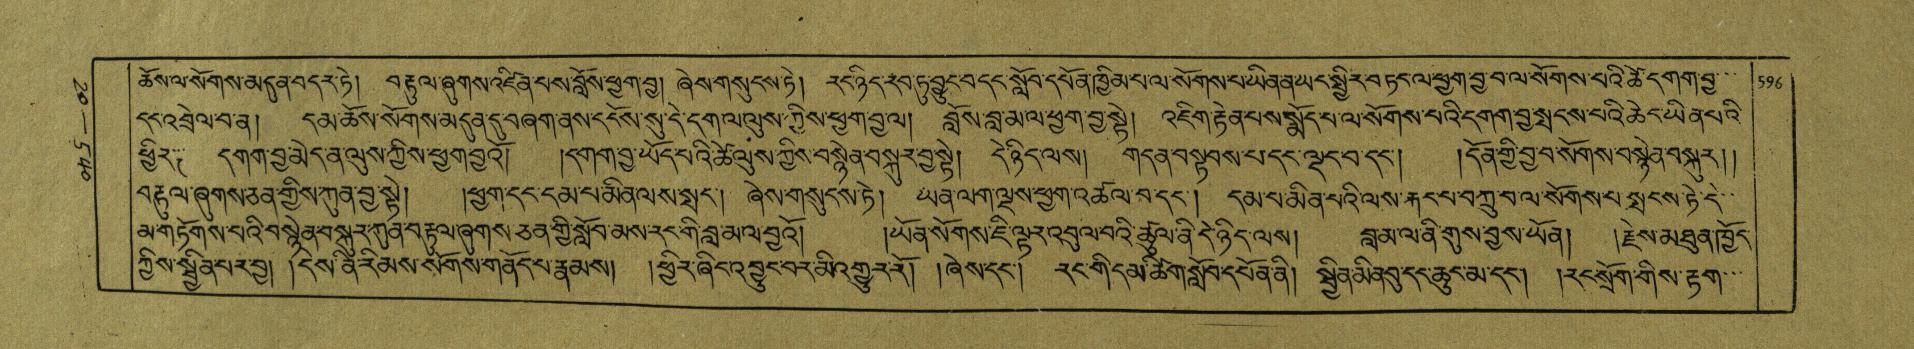ཆོས་ལ་སོགས་མདུན་བདར་ཏེ། བརྟུལ་ཞུགས་འཛིན་པས་བློ་ཕྱག་བྱ། ཞེས་གསུངས་ཏེ། རང་ཉིད་རབ་ཏུ་བྱུང་བ་དང་སློབ་དཔོན་ཁྱིམ་པ་ལ་སོགས་པ་ཡིན་ན་ཡང་སྦྱིར་བཏང་ལ་ཕྱག་བྱ་བ་ལ་སོགས་པའི་ཚེ་དགག་བྱ་
དང་འབྲེལ་བ་ན། དམ་ཆོས་སོགས་མདུན་དུ་བཞག་ནས་དངོས་སུ་དེ་དག་ལ་ལུས་ཀྱིས་ཕྱག་བྱ་ལ། བློས་བླ་མ་ལ་ཕྱག་བྱ་སྟེ། འཇིག་རྟེན་པས་སྨོད་པ་ལ་སོགས་པའི་དགག་བྱ་སྤངས་པའི་ཆེད་ཡིན་པའི་
ཕྱིར༑ དགག་བྱ་མེད་ན་ལུས་ཀྱིས་ཕྱག་བྱའོ། །དགག་བྱ་ཡོད་པའི་ཚེ་ལུས་ཀྱིས་བསྙེན་བསྐུར་བྱ་སྟེ། དེ་ཉིད་ལས། གདན་བསྟབས་པ་དང་ལྡན་བ་དང་། །དོན་གྱི་བྱ་བ་སོགས་བསྙེན་བསྐུར།།
བརྟུལ་ཞུགས་ཅན་གྱིས་ཀུན་བྱ་སྟེ། །ཕྱག་དང་དམ་པ་མིན་ལས་སྤངས། ཞེས་གསུངས་ཏེ། ཡན་ལག་ལྔས་ཕྱག་འཚལ་བ་དང་། དམ་པ་མིན་པའི་ལས་རྐང་པ་བསྐུར་བ་ལ་སོགས་པ་སྤང་ཏེ་དེ་
མ་གཏོགས་པའི་བསྙེན་བསྐུར་ཀུན་བརྟུལ་ཞུགས་ཅན་གྱི་སློབ་མས་རང་གི་བླ་མ་ལ་བྱའོ། །ཡོན་སོགས་ཇི་ལྟར་འབུལ་བའི་ཚུལ་ནི་དེ་ཉིད་ལས། བླ་མ་ལ་ནི་གུས་བྱས་ཡོན། །རྗེས་མཐུན་ཁྱོད་
ཀྱིས་སྦྱིན་པར་བྱ། །དེས་ནི་རིམས་སོགས་གནོད་པ་རྣམས། །ཕྱིར་ཞིང་འབྱུང་བར་མི་འགྱུར་རོ། །ཞེས་དང་། རང་གི་དམ་ཚིག་སློབ་དཔོན་ནི། སྦྱིན་མིན་བུ་དང་ཆུང་མ་དང་། །རང་སྲོག་གིས་རྟག་